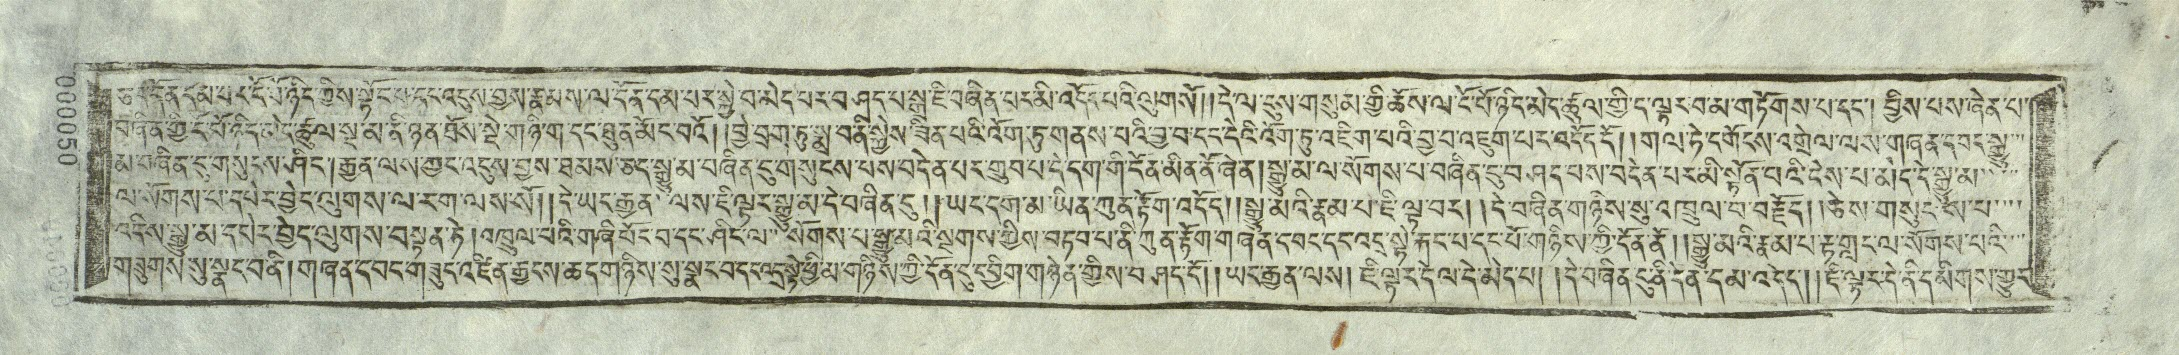ཅད་དོན་དམ་པར་ངོ་བོ་ཉིད་ཀྱིས་སྟོང་པ་དང་འདུས་བྱས་རྣམས་ལ་དོན་དམ་པར་སྐྱེ་བ་མེད་པར་བཤད་པ་སྒྲ་ཇི་བཞིན་པར་མི་འདོད་པའི་ལུགས་སོ། །དེ་ལ་དུས་གསུམ་གྱི་ཆོས་ལ་ངོ་བོ་ཉིད་མེད་ཚུལ་གྱི་ད་ལྟར་བ་མ་གཏོགས་པ་དང་། བྱིས་པས་ཞེན་པ་
བཞིན་གྱི་ངོ་བོ་ཉིད་མེད་ཚུལ་སྔ་མ་ནི་ཉན་ཐོས་སྡེ་གཉི་ག་དང་ཐུན་མོང་བའོ། །བྱེ་བྲག་ཏུ་སྨྲ་བ་ནི་སྐྱེས་ཟིན་པའི་འོག་ཏུ་གནས་པའི་བྱ་བ་དང་དེའི་འོག་ཏུ་འཇིག་པའི་བྱ་བ་འཇུག་པར་འདོད་དོ། །གལ་ཏེ་དགོངས་འགྲེལ་ལས་གཞན་དབང་སྒྱུ་
མ་བཞིན་དུ་གསུངས་ཤིང་། རྒྱན་ལས་ཀྱང་འདུས་བྱས་ཐམས་ཅད་སྒྱུ་མ་བཞིན་དུ་གསུངས་པས་བདེན་པར་གྲུབ་པ་དེ་དག་གི་དོན་མིན་ནོ་ཞེ་ན། སྒྱུ་མ་ལ་སོགས་པ་བཞིན་དུ་བཤད་པས་བདེན་པར་མི་སྟོན་པའི་ངེས་པ་མེད་དེ་སྒྱུ་མ་
ལ་སོགས་པ་དཔེར་བྱེད་ལུགས་ལ་རག་ལས་སོ། །དེ་ཡང་རྒྱན་ལས་ཇི་ལྟར་སྒྱུ་མ་དེ་བཞིན་དུ། །ཡང་དག་མ་ཡིན་ཀུན་རྟོག་འདོད། །སྒྱུ་མའི་རྣམ་པ་ཇི་ལྟ་བར། །དེ་བཞིན་གཉིས་སུ་འཁྲུལ་པ་བརྗོད། །ཅེས་གསུངས་པ་
འདིས་སྒྱུ་མ་དཔེར་བྱེད་ལུགས་བསྟན་ཏེ། འཁྲུལ་པའི་གཞི་བོང་བ་དང་ཤིང་ལ་སོགས་པ་སྒྱུ་མའི་སྔགས་ཀྱིས་བཏབ་པ་ནི་ཀུན་རྟེག་གཞན་དབང་དང་འདྲ་སྟེ་རྐང་པ་དང་པོ་གཉིས་ཀྱི་དོན་ནོ། །སྒྱུ་མའི་རྣམ་པ་རྟ་གླང་ལ་སོགས་པའི་
གཟུགས་སུ་སྣང་བ་ནི། གཞན་དབང་གཟུང་འཛིན་རྒྱངས་ཆད་གཉིས་སུ་སྣང་བ་དང་འདྲ་སྟེ་ཕྱི་མ་གཉིས་ཀྱི་དོན་དུ་དབྱིག་གཉེན་གྱིས་བཤད་དོ། །ཡང་རྒྱན་ལས། ཇི་ལྟར་དེ་ལ་དེ་མེད་པ། །དེ་བཞིན་དུ་ནི་དོན་དམ་འདོད། །ཇི་ལྟར་དེ་ནི་དམིགས་གྱུར་